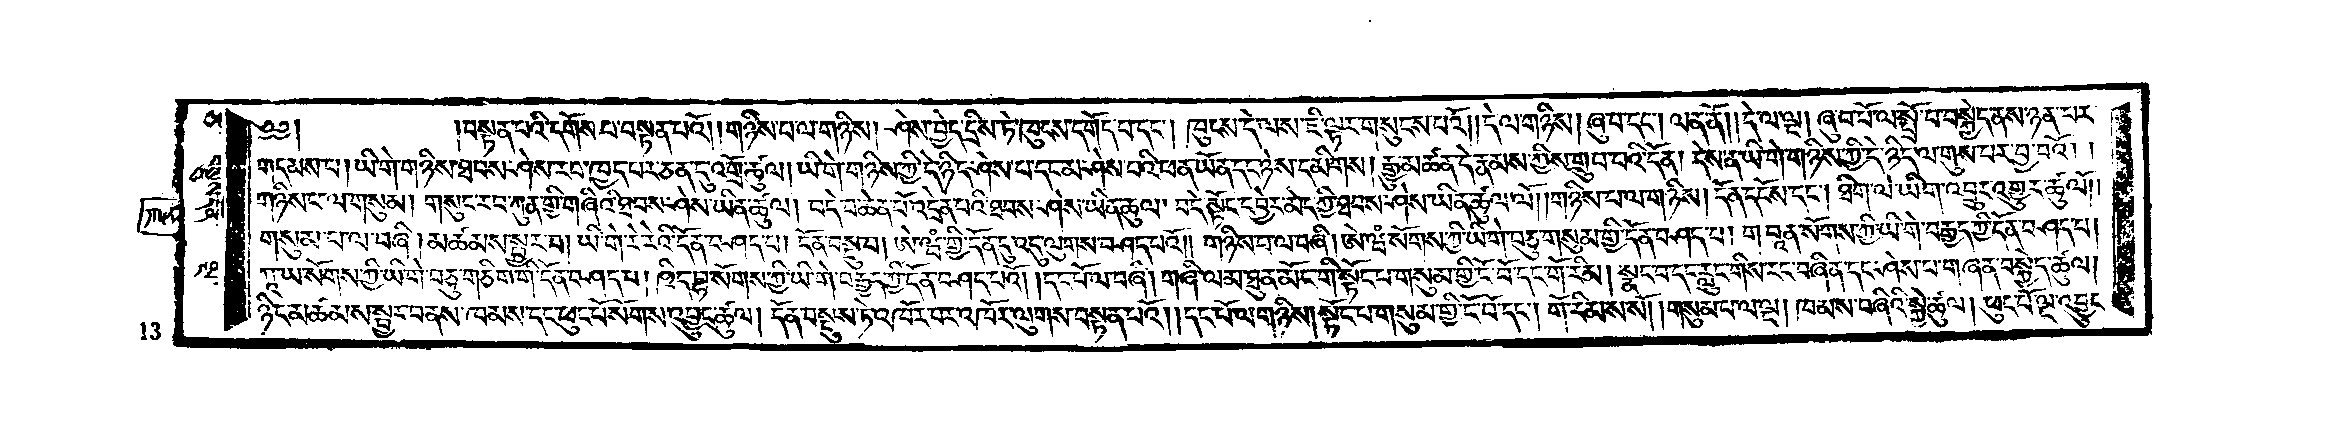༄༅། །བསྟན་པའི་དགོས་པ་བསྟན་པའོ། །གཉིས་པ་ལ་གཉིས། ཤེས་བྱེད་དྲིས་ཏེ་ཁུངས་དགོད་པ་དང་། ཁུངས་དེ་ལས་ཇི་ལྟར་གསུངས་པའོ། །དེ་ལ་གཉིས། ཞུ་བ་དང་། ལན་ནོ། །དེ་ལ་ལྔ། ཞུ་བ་པོ་ལ་སྤྲོ་བ་བསྐྱེད་ནས་ཉན་པར་
གདམས་པ། ཡི་གེ་གཉིས་ཐབས་ཤེས་རབ་ཁྱད་པར་ཅན་དུ་འགྲོ་ཚུལ། ཡི་གེ་གཉིས་ཀྱི་དེ་ཉིད་ཤེས་པ་དང་མ་ཤེས་པའི་ཕན་ཡོན་དང་ཉེས་དམིགས། རྒྱུ་མཚན་དེ་རྣམས་ཀྱིས་གྲུབ་པའི་དོན། དེས་ན་ཡི་གེ་གཉིས་ཀྱི་དེ་ཉིད་ལ་གུས་པར་བྱ་བའོ། །
གཉིས་པ་ལ་གསུམ། གསུང་རབ་ཀུན་གྱི་གཞིའི་ཐབས་ཤེས་ཡིན་ཚུལ། བདེ་བ་ཆེན་པོ་འདྲེན་པའི་ཐབས་ཤེས་ཡིན་ཚུལ། བདེ་སྟོང་དབྱེར་མེད་ཀྱི་ཐབས་ཤེས་ཡིན་ཚུལ་ལོ། །གཉིས་པ་ལ་གཉིས། དོན་དངོས་དང་། ཐིག་ལེ་ཡིག་འབྲུར་འགྱུར་ཚུལ་ལོ།།
གསུམ་པ་ལ་བཞི། མཚམས་སྦྱར་བ། ཡི་གེ་རེ་རེའི་དོན་བཤད་པ། དོན་བསྡུ་བ། ཨེ་ཝཾ་གྱི་དོན་དུ་འདུ་ལུགས་བཤད་པའོ། །གཉིས་པ་ལ་བཞི། ཨེ་ཝཾ་སོགས་ཀྱི་ཡི་གེ་བཅུ་གསུམ་གྱི་དོན་བཤད་པ། ག་བཱན་སོགས་ཀྱི་ཡི་གེ་བརྒྱད་ཀྱི་དོན་བཤད་པ།
ཀཱ་ཡ་སོགས་ཀྱི་ཡི་གེ་བཅུ་གཅིག་གི་དོན་བཤད་པ། ཥིད་བྷ་སོགས་ཀྱི་ཡི་གེ་བརྒྱད་ཀྱི་དོན་བཤད་པའོ། །དང་པོ་ལ་བཞི། གཞི་ལམ་ཐུན་མོང་གི་སྟོང་པ་གསུམ་གྱི་ངོ་བོ་དང་གོ་རིམ། སྣང་བ་དང་རླུང་གིས་རང་བཞིན་དང་ཤེས་པ་གཞན་བསྐྱེད་ཚུལ།
ཉིང་མཚམས་སྦྱར་བ་ནས་ཁམས་དང་ཕུང་པོ་སོགས་འབྱུང་ཚུལ། དོན་བསྡུས་ཏེ་འཁོར་བར་འཁོར་ལུགས་བསྟན་པའོ། །དང་པོ་ལ་གཉིས། སྟོང་པ་གསུམ་གྱི་ངོ་བོ་དང་། གོ་རིམས་སོ། །གསུམ་པ་ལ་ལྔ། ཁམས་བཞིའི་སྐྱེ་ཚུལ། ཕུང་པོ་ལྔ་འབྱུང་